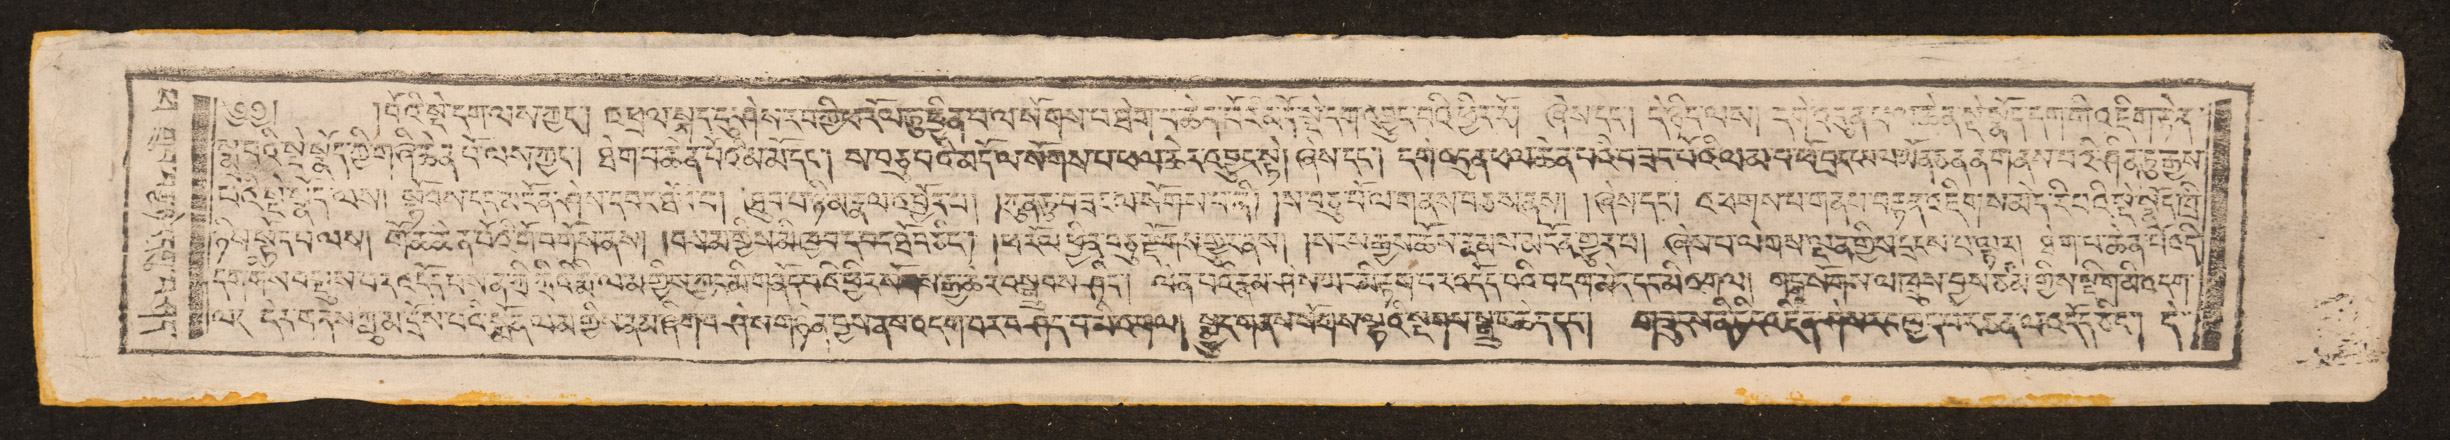༄༅། །བོའི་སྡེ་དག་ལས་ཀྱང་། འཕྲལ་སྐད་དུ་ཤེས་རབ་ཀྱི་ཕ་རོལ་ཏུ་ཕྱིན་པ་ལ་སོགས་པ་ཐེག་པ་ཆེན་པོའི་མདོ་སྡེ་དག་འབྱུང་པའི་ཕྱིར་རོ། ཞེས་དང་། དེ་ཞིང་ལས། དགེ་འདུན་ཕལ་ཆེན་སྡེ་སྨོད་དག་གི་འཇིག་རྟེན་
སྨྲ་བའི་སྡེ་སྣོད་ཀྱི་གཞི་ཆེན་པོ་ལས་ཀྱང་། ཐེག་པ་ཆེན་པོའི་མ་མོ་དང་། ས་བཅུ་བའི་མདོ་ལ་སོགས་པ་ཕལ་ཆེར་འབྱུང་སྟེ། ཞེས་དང་། དགེ་འདུན་ཕལ་ཆེན་པའི་བཟང་པོའི་ལམ་པ་ཕོ་བྲང་དཔལ་ཡོན་ཅན་ན་གནས་པའི་ཤིན་ཏུ་རྒྱས་
པའི་སྡེ་སྣོད་ལས། སྟོབས་དང་མངོན་ཤེས་དབང་ཐོབ་པ། །ཐུབ་པ་ཉི་མ་རྣལ་འབྱོར་བ། །ཀུན་ཏུ་བཟང་ལ་སོགས་པ་ནི། །ས་བཅུ་པོ་ལ་གནས་བཅས་ནས། །ཞེས་དང་། འཕགས་པ་གནས་བརྟན་འཇིགས་མེད་རི་བའི་སྡེ་སྣོད་ཁྲི་
ཉིས་སྟོང་པ་ལས། གོ་ཆ་ཆེན་པོའི་གོ་བགོས་ནས། །བསམ་གྱིས་མི་ཁྱབ་དབང་ཐོབ་ཅིང་། །ཕ་རོལ་ཕྱིན་བཅུ་རྫོགས་གྱུར་ནས། །སངས་རྒྱས་ཆོས་རྣམས་མངོམ་གྱུར་བ། ཞེས་པ་ལེགས་ལྡན་གྱིས་དྲངས་པ་ལྟར། ཐེག་པ་ཆེན་པོ་འདི་
དག་གིས་བསྡུས་པར་འདོད་པས་ན་ཀྲི་ཀྲིའི་རྨི་ལམ་གྱིས་ཀྱང་མི་གནོད་པའི་ཕྱིར་སོགས་རྒྱ་ཆེར་བསྒྲུབས་ཤིང་། ལེན་པའི་རྣམ་ཤེས་ཡང་མི་རྟག་པར་འདོད་པའི་བདག་མེད་དང་མི་འགལ། གངས་སོགས་ལ་ཁྲུས་བྱས་ཙམ་གྱིས་སྡིག་མི་འདག་
ལས་དེར་གནས་ཀླུ་མ་དྲོས་པའི་སྨོན་ལམ་གྱིས་ནམ་ཞིག་བ་ཤིས་གཉེན་བྱས་ནས་འདག་པར་བཤད་པ་མི་འགལ། སྨྱུང་གནས་སོགས་ལྷའི་སྔགས་སྒྲུབ་ཆེད་དང་། གཟུངས་ནི་ཏིང་འཛིན་ཤེས་རབ་ཁྱད་པར་ཅན་ལ་འདོད་ཅིང་། དེ་